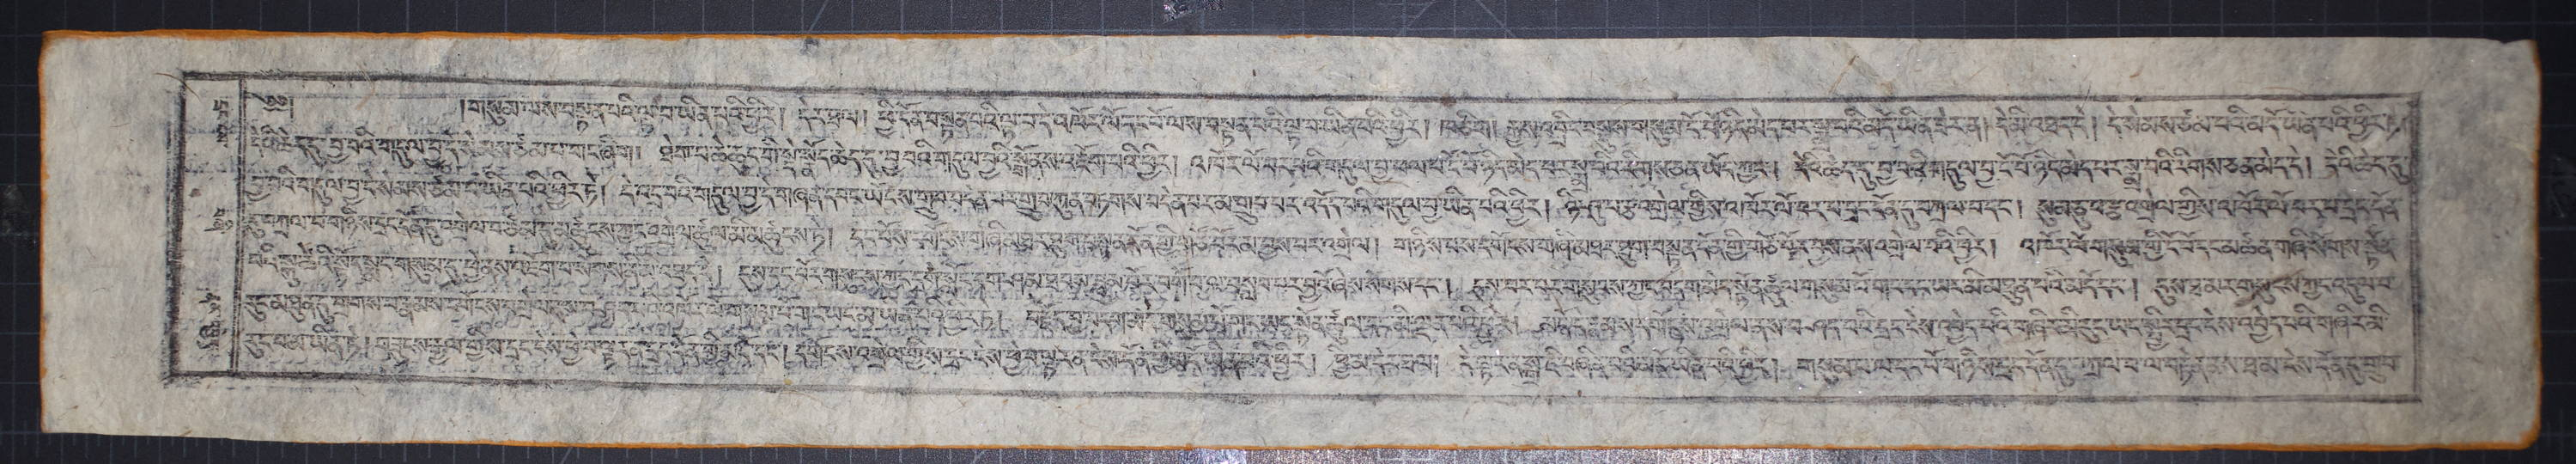༄༅། །གསུམ་ལས་བསྟན་པའི་ལྟ་བ་ཡིན་པའི་ཕྱིར། དེར་ཐལ། ཕྱི་དོན་བསྟན་པའི་ལྟ་བ་དེ་འཁོར་ལོ་དང་པོ་ལས་བསྟན་པའི་ལྟ་བ་ཡིན་པའི་ཕྱིར། ཁ་ཅིག །རྒྱས་འབྲིང་བསྡུས་གསུམ་ངོ་བོ་ཉིད་མེད་པར་སྨྲ་བའི་མདོ་ཡིན་ཟེར་ན། དེ་མི་འཐད་དེ། དེ་སེམས་ཙམ་པའི་མདོ་ཡིན་པའི་ཕྱིར་ཏེ།
དེའི་ཆེད་དུ་བྱ་བའི་གདུལ་བྱ་དེ་སེམས་ཙམ་པ་གང་ཞིག །ཐེག་པ་ཆེ་ཆུང་གི་སྡེ་སྣོད་ཆེད་དུ་བྱ་བའི་གདུལ་བྱའི་སྒོ་ནས་འཇོག་པའི་ཕྱིར། འཁོར་ལོ་བར་པའི་གདུལ་བྱ་ཕལ་པ་ངོ་བོ་ཉིད་མེད་པར་སྨྲ་བའི་རིགས་ཅན་ཡོད་ཀྱང་། དེའི་ཆད་དུ་བྱ་བའི་གདུལ་བྱ་ངོ་བོ་ཉིད་མེད་པར་སྨྲ་བའི་རིགས་ཅན་མེད་དེ། དེའི་ཆེད་དུ་
བྱ་བའི་གདུལ་བྱ་དེ་སེམས་ཙམ་པ་ཡིན་པའི་ཕྱིར་ཏེ། དེ་འདྲ་བའི་གདུལ་བྱ་དེ་གཞན་དབང་ཡོངས་གྲུབ་བདེན་པར་གྲུབ་ཀུན་བཏགས་བདེན་པར་མ་གྲུབ་པར་འདོད་པའི་གདུལ་བྱ་ཡིན་པའི་ཕྱིར། ཉི་ཤུ་པ་རྩ་འགྲེལ་གྱིས་འཁོར་ལོ་བར་པ་དྲང་དོན་དུ་བཀྲལ་བ་དང་། སུམ་ཅུ་པ་རྩ་འགྲེལ་གྱིས་འཁོར་ལོ་བར་པ་དྲང་དོན་
དུ་བཀྲལ་བ་གཉིས་དྲང་དོན་དུ་འགྲེལ་བ་ཙམ་དུ་མཚུངས་ཀྱང་འགྲེལ་ཚུལ་མི་མཚུངས་ཏེ། དང་པོས་དགོངས་གཞི་མཐར་ཐུག་བསྟན་དོན་གྱི་གཙོ་བོར་མ་བྱས་པར་འགྲེལ། གཉིས་པས་དགོངས་གཞི་མཐར་ཐུག་བསྟན་དོན་གྱི་གཙོ་བོར་བྱས་ནས་འགྲེལ་བའི་ཕྱིར། འཁོར་ལོ་གསུམ་གྱི་ངོ་བོ་དང་མཚན་གཞི་སོགས་སྟོན་
པའི་སྐུ་ཚེའི་སྟོད་སྨད་གསུམ་དུ་ཕྱེ་ནས་འཇོག་པ་སོགས་ནི་མི་འཐད་དེ། དུས་དང་པོར་གསུངས་ཀྱང་དགེ་སློང་དག་ཤམ་ཐབས་ཟླུམ་པོར་བགོ་བ་ལ་བསླབ་པར་བྱའོ་ཞེས་སོགས་དང་། དུས་བར་པར་གསུངས་ཀྱང་བདག་མེད་སྟོན་ཚུལ་གསུམ་པོ་གང་དང་ཡང་མི་མཐུན་པའི་མདོ་དང་། དུས་ཐ་མར་གསུངས་ཀྱང་འདུལ་བ་
རུང་མཐུན་དུ་གྲགས་པ་རྣམས་དགོངས་འགྲེལ་ནས་བཤད་པའི་འཁོར་ལོ་གསུམ་པོ་གང་ཡང་མ་ཡིན་པའི་ཕྱིར་ཏེ། བརྗོད་བྱ་བདག་མེད་གསུམ་པོ་གང་ཡང་སྟོན་ཚུལ་དང་མི་ལྡན་པའི་ཕྱིར། མདོ་དེ་རྣམས་དགོངས་འགྲེལ་ནས་བཤད་པའི་དྲང་ངེས་འབྱེད་པའི་གཞིར་མི་རུང་ཡང་སྤྱིར་དྲང་ངེས་འབྱེད་པའི་གཞིར་མི་
རུང་བ་མ་ཡིན་ཏེ། གཟུངས་རྒྱལ་གྱིས་དྲང་ངེས་ཕྱེ་བ་ལྟར་ན་དྲང་དོན་གྱི་མདོ་དང་། དགོངས་འགྲེལ་གྱིས་དྲང་ངེས་ཕྱེ་བ་ལྟར་ན་ངེས་དོན་གྱི་མདོ་ཡིན་པའི་ཕྱིར། ཕྱི་མ་དེར་ཐལ། དེ་ལྟར་ན་སྒྲ་ཇི་བཞིན་པའི་མདོ་ཡིན་པའི་ཕྱིར། གསུམ་པ་ལ་དང་པོ་གཉིས་དྲང་དོན་དུ་བཀྲལ་བ་ལ་བརྟེན་ནས་ཐ་མ་ངེས་དོན་དུ་གྲུབ་